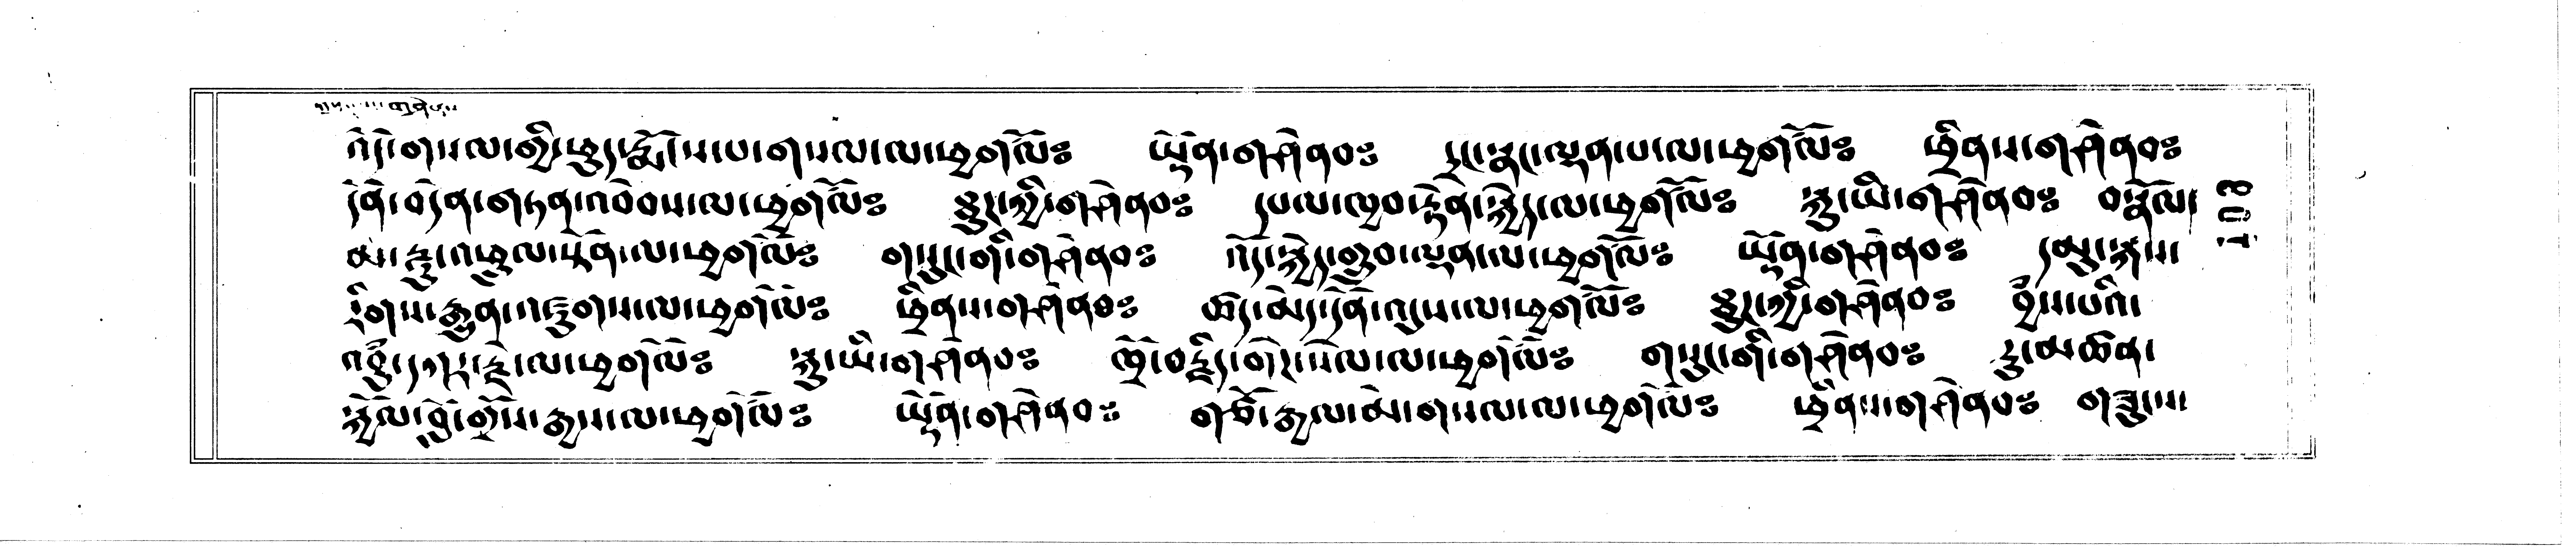འོད་གསལ་གྱི་ཕུད་རྨོངས་པ་སེལ་ལ་ཕྱག་འཚལ་ལོཿ ཡོན་ཏན་གྱི་གཤེན་རབཿ དྲང་སྣང་ལྡན་པ་ལ་ཕྱག་འཚལ་ལོཿ ཕྲིན་ལས་ཀྱི་གཤེན་རབཿ 
དོན་བདེན་གཏན་འབེབས་ལ་ཕྱག་འཚལ་ལོཿ ཐུགས་ཀྱི་གཤེན་རབཿ དཔལ་ཁྱབ་རྟེན་བསྐྱེད་ལ་ཕྱག་འཚལ་ལོཿ སྐུ་ཡི་གཤེན་རབཿ བསྣོལ་
མ་རྫུ་འཕྲུལ་སྟོན་ལ་ཕྱག་འཚལ་ལོཿ གསུང་གི་གཤེན་རབ་ལཿ འོད་སྐྱེད་གྲུབ་ལྡན་ལ་ཕྱག་འཚལ་ལོཿ ཡོན་ཏན་གྱི་གཤེན་རབཿ དམུ་སྐས་
རིགས་རྒྱུན་འཛུགས་ལ་ཕྱག་འཚལ་ལོཿ ཕྲིན་ལས་ཀྱི་གཤེན་རབཿ ཚད་མེད་དོན་འདུས་ལ་ཕྱག་འཚལ་ལོཿ ཐུགས་ཀྱི་གཤེན་རབཿ བྱམས་པའི་
འབུམ་དཀར་རྗེ་ལ་ཕྱག་འཚལ་ལོཿ སྐུ་ཡི་གཤེན་རབཿ ཁྲོ་བརྗིད་གེགས་སེལ་ལ་ཕྱག་འཚལ་ལོཿ གསུང་གི་གཤེན་རབཿ རུ་མཚོན་
སྐྱོལ་བློ་གྲོས་རྒྱས་ལ་ཕྱག་འཚལ་ལོཿ ཡོན་ཏན་གྱི་གཤེན་རབཿ གཙོ་རྒྱལ་མེ་གསལ་ལ་ཕྱག་འཚལ་ལོཿ ཕྲིན་ལས་ཀྱི་གཤེན་རབཿ གཟུངས་